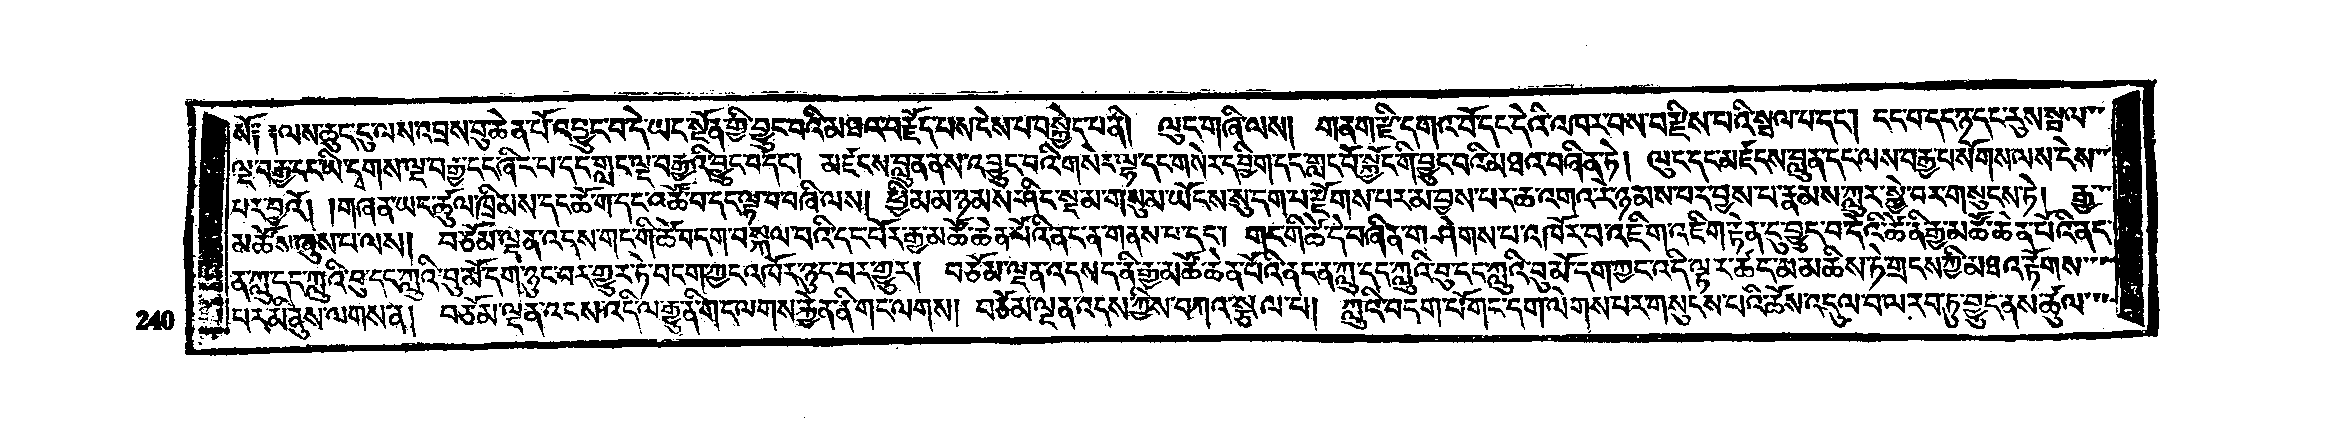སོ༑ ༑ལས་ཆུང་ངུ་ལས་འབྲས་བུ་ཆེན་པོ་འབྱུང་བ་དེ་ཡང་སྔོན་གྱི་བྱུང་བའི་མཐའ་བརྗོད་པས་ངེས་པ་བསྐྱེད་པ་ནི། ལུང་གཞི་ལས། གནག་རྫི་དགའ་བོ་དང་དེའི་འཁར་བས་བརྫིས་པའི་སྦལ་པ་དང་། ངང་པ་དང་ཉ་དང་རུས་སྦལ་
ལྔ་བརྒྱ་དང་ཡི་དྭགས་ལྔ་བརྒྱ་དང་ཞིང་པ་དང་གླང་ལྔ་བརྒྱའི་བྱུང་བ་དང་། མཛངས་བླུན་ནས་འབྱུང་བའི་གསེར་ལྷ་དང་གསེར་དབྱིག་དང་གླང་པོ་སྐྱོང་གི་བྱུང་བའི་མཐའ་བཞིན་ཏེ། ལུང་དང་མཛངས་བླུན་དང་ལས་བརྒྱ་པ་སོགས་ལས་ངེས་
པར་བྱའོ། །གཞན་ཡང་ཚུལ་ཁྲིམས་དང་ཆོ་ག་དང་འཚོ་བ་དང་ལྟ་བ་བཞི་ལས། ཕྱི་མ་མ་ཉམས་ཤིང་སྔ་མ་གསུམ་ཡོངས་སུ་དག་པ་རྫོགས་པར་མ་བྱས་པར་ཆ་འགའ་རེ་ཉམས་པར་བྱས་པ་རྣམས་ཀླུར་སྐྱེ་བར་གསུངས་ཏེ། རྒྱ་
མཚོས་ཞུས་པ་ལས། བཅོམ་ལྡན་འདས་གང་གི་ཚེ་བདག་བསྐལ་པའི་དང་པོར་རྒྱ་མཚོ་ཆེན་པོའི་ནང་ན་གནས་པ་དང་། གང་གི་ཚེ་དེ་བཞིན་གཤེགས་པ་འཁོར་བ་འཇིག་འཇིག་རྟེན་དུ་བྱུང་བ་དེའི་ཚེ་ནི་རྒྱ་མཚོ་ཆེན་པོའི་ནང་
ན་ཀླུ་དང་ཀླུའི་བུ་དང་ཀླུའི་བུ་མོ་དག་ཉུང་བར་གྱུར་ཏེ་བདག་ཀྱང་འཁོར་ཉུང་བར་གྱུར། བཅོམ་ལྡན་འདས་ད་ནི་རྒྱ་མཚོ་ཆེན་པོའི་ནང་ན་ཀླུ་དང་ཀླུའི་བུ་དང་ཀླུའི་བུ་མོ་དག་ཀྱང་འདི་ལྟར་ཚད་མ་མཆིས་ཏེ་གྲངས་ཀྱི་མཐའ་རྟོགས་
པར་མི་ནུས་ལགས་ན། བཅོམ་ལྡན་འདས་འདི་ལ་རྒྱུ་ནི་གང་ལགས་རྐྱེན་ནི་གང་ལགས། བཅོམ་ལྡན་འདས་ཀྱིས་བཀའ་སྩལ་པ། ཀླུའི་བདག་པོ་གང་དག་ལེགས་པར་གསུངས་པའི་ཆོས་འདུལ་བ་ལ་རབ་ཏུ་བྱུང་ནས་ཚུལ་